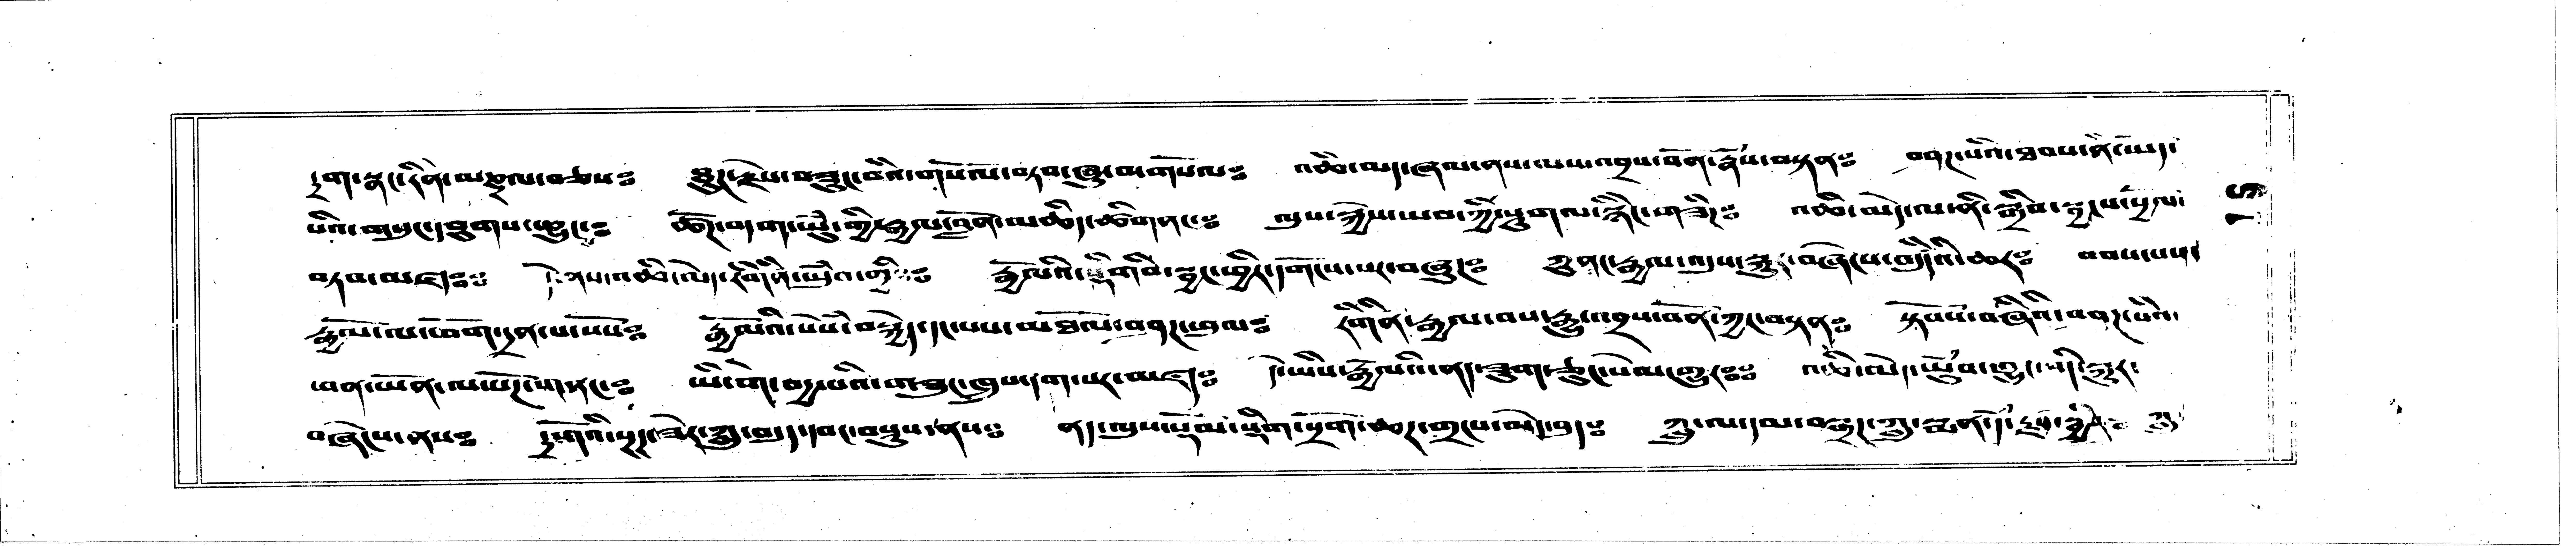དྲག་སྣང་རིན་ཆེན་མཎྜལ་བཅསཿ ཐུགས་རྗེས་བཟུང་བའི་གསོལ་བཏབ་ཞུ་བ་གསོལཿ འཆི་མེད་ཞལ་ནས་ལས་འབྲས་བོན་རྣམས་བསྟནཿ བཤགས་པའི་ཐབས་ནི་ཡོད་
པའི་གསུང་དབུགས་ཕྱུངཿ ཚོགས་བདག་ཡུམ་གྱི་རྒྱལ་བློན་མཆིད་ཚིག་གནངཿ ལུས་སྐྱེས་ཡབ་ཀྱི་སྡུག་བསྔལ་སྙིང་རྗེ་གཟིགསཿ འཆི་མེད་ལ་ནི་སྒྲིབ་སྦྱོང་གསོལ་
བཏབ་མཛདཿ དེ་ནས་འཆི་མེད་རིག་འཛིན་ཡབ་ཡུམ་གྱིསཿ རྒྱལ་པོའི་སྡིག་སྒྲིབ་སྦྱང་ཕྱིར་དགོན་པར་བཞུགསཿ ཀུན་བཟང་རྒྱལ་འདུས་སྐུར་བཞེངས་བདུད་རྩིའི་ཆརཿ བབས་པས་
རྒྱལ་པོ་ལ་ཕོགས་དྲན་པ་སོསཿ རྒྱལ་པོའི་སེམས་བསྐྱེད་དང་བས་མཐོལ་བཤགས་ཕུལཿ རིག་འཛིན་རྒྱལ་བས་རྒྱུ་འབྲས་བོན་ཀྱང་བསྟནཿ སྟོབས་བཞིའི་བཤགས་པའི་
ཕན་ཡོན་ལ་སོགས་གནངཿ ཡི་གེ་བརྒྱ་པའི་གཟུངས་ཁྲུས་དག་པར་མཛདཿ དེ་ཡིས་རྒྱལ་པོའི་ནད་ཟུག་ཅུང་སེལ་གྱུརཿ འཆི་མེད་ཡབ་ཡུམ་ཁྱུང་གི་སྐུར་
བཞེངས་ནསཿ དྲག་པོའི་སྔགས་ཟེར་ཀླུ་བདུད་དབང་བསྡུས་ནསཿ ནད་ལུས་སྡོམ་སྡིག་སྲོག་ཆགས་གྲངས་མེད་བུདཿ ཀླུ་ལ་དམ་བསྒྲགས་ཀླུ་སྨན་སྨན་དམ་རྫས་སྦྱིནཿ ཀླུ་